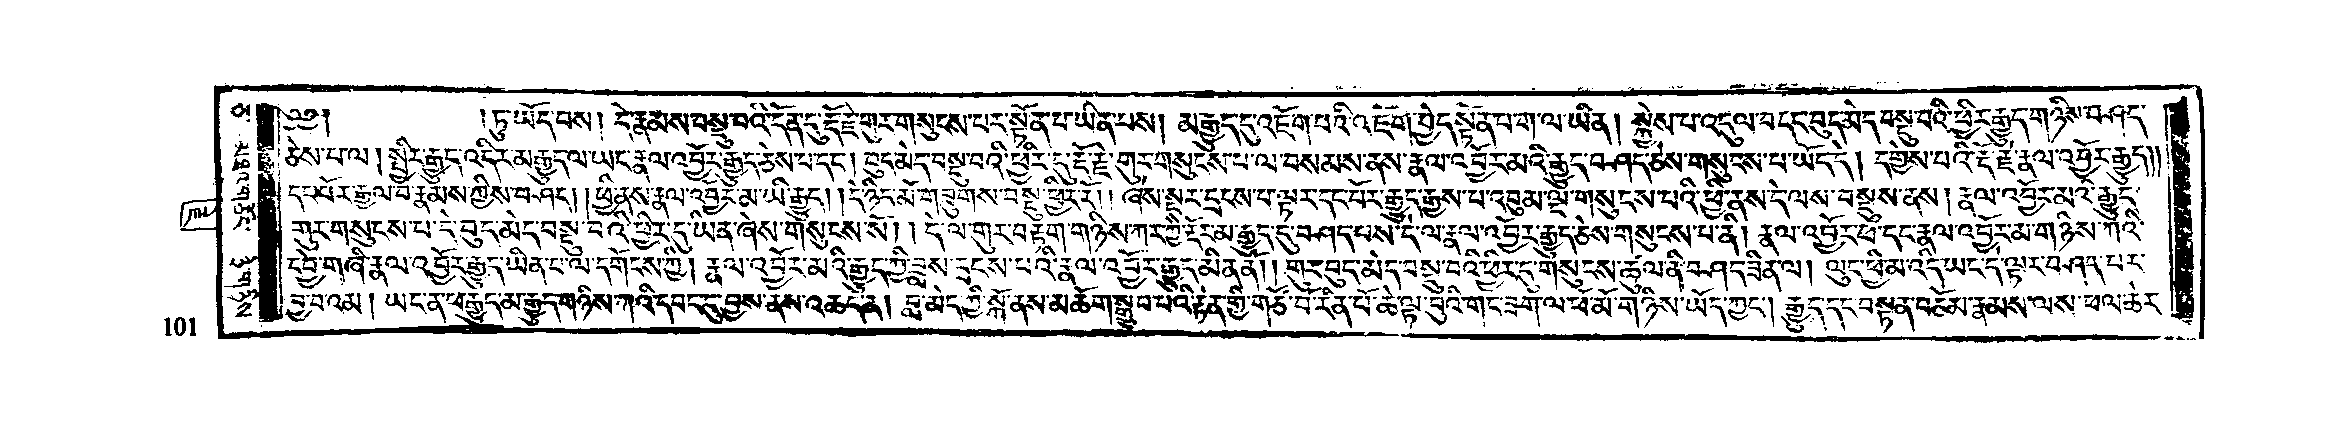༄༅། །ཏུ་ཡོད་པས། དེ་རྣམས་བསྡུ་བའི་དོན་དུ་རྡོ་རྗེ་གུར་གསུངས་པར་སྟོན་པ་ཡིན་པས། མ་རྒྱུད་དུ་འཇོག་པའི་འཇོག་བྱེད་སྟོན་པ་ག་ལ་ཡིན། སྐྱེས་པ་འདུལ་བ་དང་བུད་མེད་བསྡུ་བའི་ཕྱིར་རྒྱུད་གཉིས་བཤད་
ཅེས་པ་ལ། སྤྱིར་རྒྱུད་འདིར་མ་རྒྱུད་ལ་ཡང་རྣལ་འབྱོར་རྒྱུད་ཅེས་པ་དང་། བུད་མེད་བསྡུ་བའི་ཕྱིར་དུ་རྡོ་རྗེ་གུར་གསུངས་པ་ལ་བསམས་ནས་རྣལ་འབྱོར་མའི་རྒྱུད་བཤད་ཅེས་གསུངས་པ་ཡོད་དེ། དགྱེས་པའི་རྡོ་རྗེ་རྣལ་འབྱོར་རྒྱུད། །
དང་པོར་རྒྱལ་བ་རྣམས་ཀྱིས་བཤད། །ཕྱི་ནས་རྣལ་འབྱོར་མ་ཡི་རྒྱུད། །དེ་ཉིད་མོ་གཟུགས་བསྡུ་ཕྱིར་རོ། །ཞེས་སྔར་དྲངས་པ་ལྟར་དང་པོར་རྒྱུད་རྒྱས་པ་འབུམ་ལྔ་གསུངས་པའི་ཕྱི་ནས་དེ་ལས་བསྡུས་ནས། རྣལ་འབྱོར་མའི་རྒྱུད་
གུར་གསུངས་པ་དེ་བུད་མེད་བསྡུ་བའི་ཕྱིར་དུ་ཡིན་ཞེས་གསུངས་སོ། །དེ་ལ་གུར་བརྟག་གཉིས་ཀར་ཀྱཻ་རྡོར་མ་རྒྱུད་དུ་བཤད་པས་དེ་ལ་རྣལ་འབྱོར་རྒྱུད་ཅེས་གསུངས་པ་ནི། རྣལ་འབྱོར་ཕ་དང་རྣལ་འབྱོར་མ་གཉིས་ཀའི་
དབྱེ་གཞི་རྣལ་འབྱོར་རྒྱུད་ཡིན་པ་ལ་དགོངས་ཀྱི། རྣལ་འབྱོར་མའི་རྒྱུད་ཀྱི་ཟླས་དྲངས་པའི་རྣལ་འབྱོར་རྒྱུད་མིན་ནོ། །གུར་བུད་མེད་བསྡུ་བའི་ཕྱིར་དུ་གསུངས་ཚུལ་ནི་བཤད་ཟིན་ལ། ལུང་ཕྱི་མ་འདི་ཡང་དེ་ལྟར་བཤད་པར་
བྱ་བའམ། ཡང་ན་ཕ་རྒྱུད་མ་རྒྱུད་གཉིས་ཀའི་དབང་དུ་བྱས་ནས་འཆད་ན། བླ་མེད་ཀྱི་སྒོ་ནས་མཆོག་སྒྲུབ་པའི་རྟེན་གྱི་གཙོ་བོ་རིན་པོ་ཆེ་ལྟ་བུའི་གང་ཟག་ལ་ཕོ་མོ་གཉིས་ཡོད་ཀྱང་། རྒྱུད་དང་བསྟན་བཅོས་རྣམས་ལས་ཕལ་ཆེར་